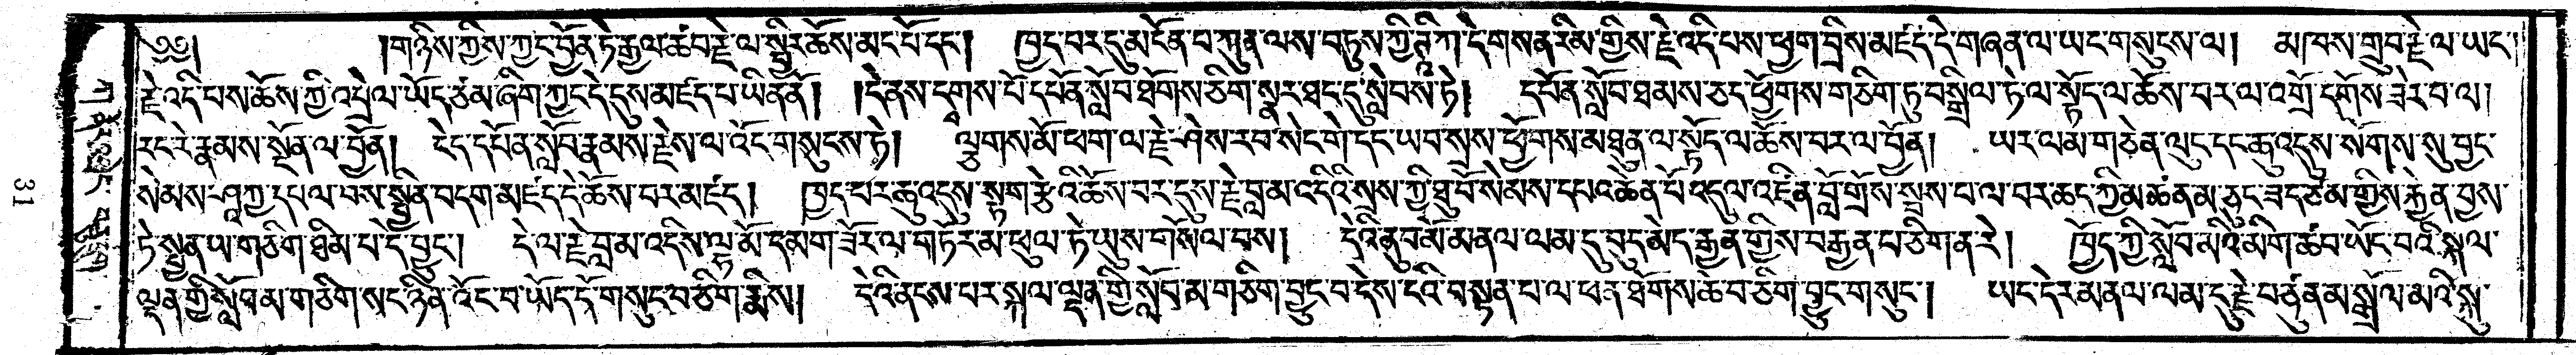༄༅། །གཉིས་ཀྱིས་ཀྱང་བྱོན་ཏེ་རྒྱལ་ཚབ་རྗེ་ལ་སྤྱིར་ཆོས་མང་པོ་དང་། ཁྱད་པར་དུ་མངོན་བ་ཀུན་ལས་བཏུས་ཀྱི་ཊཱིཀ་དེ་གསན་རིམ་གྱིས་རྗེ་འདི་པས་ཕྱག་བྲིས་མཛད་དེ་གཞན་ལ་ཡང་གསུངས་ལ། མཁས་གྲུབ་རྗེ་ལ་ཡང་
རྗེ་འདི་པས་ཆོས་ཀྱི་འྤྲེལ་ཡོད་ཙམ་ཞིག་ཀྱང་དེ་དུས་མཛད་པ་ཡིན་ནོ། །དེ་ནས་དྭགས་པོ་དཔོན་སློབ་ཐོགས་ཅིག་སྣར་ཐང་དུ་སླེབས་ཏེ། དཔོན་སློབ་ཐམས་ཅད་ཕྱོགས་གཅིག་ཏུ་བསྒྲིལ་ཏེ་ལ་སྟོད་ལ་ཆོས་པར་ལ་འགྲོ་དགོས་ཟེར་བ་ལ།
རང་རེ་རྣམས་སྔོན་ལ་བྱོན། ངེད་དཔོན་སློབ་རྣམས་རྗེས་ལ་འོད་གསུངས་ཏེ། ལྕགས་མོ་ཕག་ལ་རྗེ་ཤེས་རབ་སེང་གེ་དང་ཡབ་སྲས་ཕྱོགས་མཐུན་ལ་སྟོད་ལ་ཆོས་བར་ལ་བྱོན། ཡར་ལམ་གཅེན་ལུང་དང་ཆུ་འདུས་སོགས་སུ་བྱང་
སེམས་ཤཱཀྱ་དཔལ་བས་སྦྱིན་བདག་མཛད་དེ་ཆོས་པར་མཛད། ཁྱད་པར་ཆུ་འདུས་སྟག་རྩེའི་ཆོས་པར་དུས་རྗེ་བླ་མ་འདིའི་སྲས་ཀྱི་ཐུ་བོ་སེམས་དཔའ་ཆེན་པོ་འདུལ་འཛིན་བློ་གྲོས་སྦས་པ་ལ་བར་ཆད་ཀྱི་མཚན་མ་ཅུང་ཟད་ཙམ་གྱིས་རྐྱེན་བྱས་
ཏེ་སྤྱན་ཡ་གཅིག་ཐིམ་པ་དེ་བྱུང་། དེ་ལ་རྗེ་བླ་མ་འདིས་ལྷ་མོ་དམག་ཟོར་ལ་གཏོར་མ་ཕུལ་ཏེ་ཡུས་གསོལ་བས། དེའི་ནུབ་མོ་མནལ་ལམ་དུ་བུད་མེད་རྒྱན་གྱིས་བརྒྱན་པ་ཅིག་ན་རེ། ཁྱོད་ཀྱི་སློབ་མའི་མིག་ཚབ་ཡོད་པའི་སྐལ་
ལྡན་གྱི་སློབ་མ་གཅིག་སང་ཉིན་འོང་བ་ཡོད་དོ་གསུང་བ་ཅིག་རྨིས། དེའི་ནངས་པར་སྐལ་ལྡན་གྱི་སློབ་མ་གཅིག་བྱུང་བ་དེས་ངའི་བསྟན་པ་ལ་ཕན་ཐོགས་ཆེ་བ་ཅིག་བྱུང་གསུང་། ཡང་དེར་མནལ་ལམ་དུ་རྗེ་བཙུན་མ་སྒྲོལ་མའི་སྐུ་